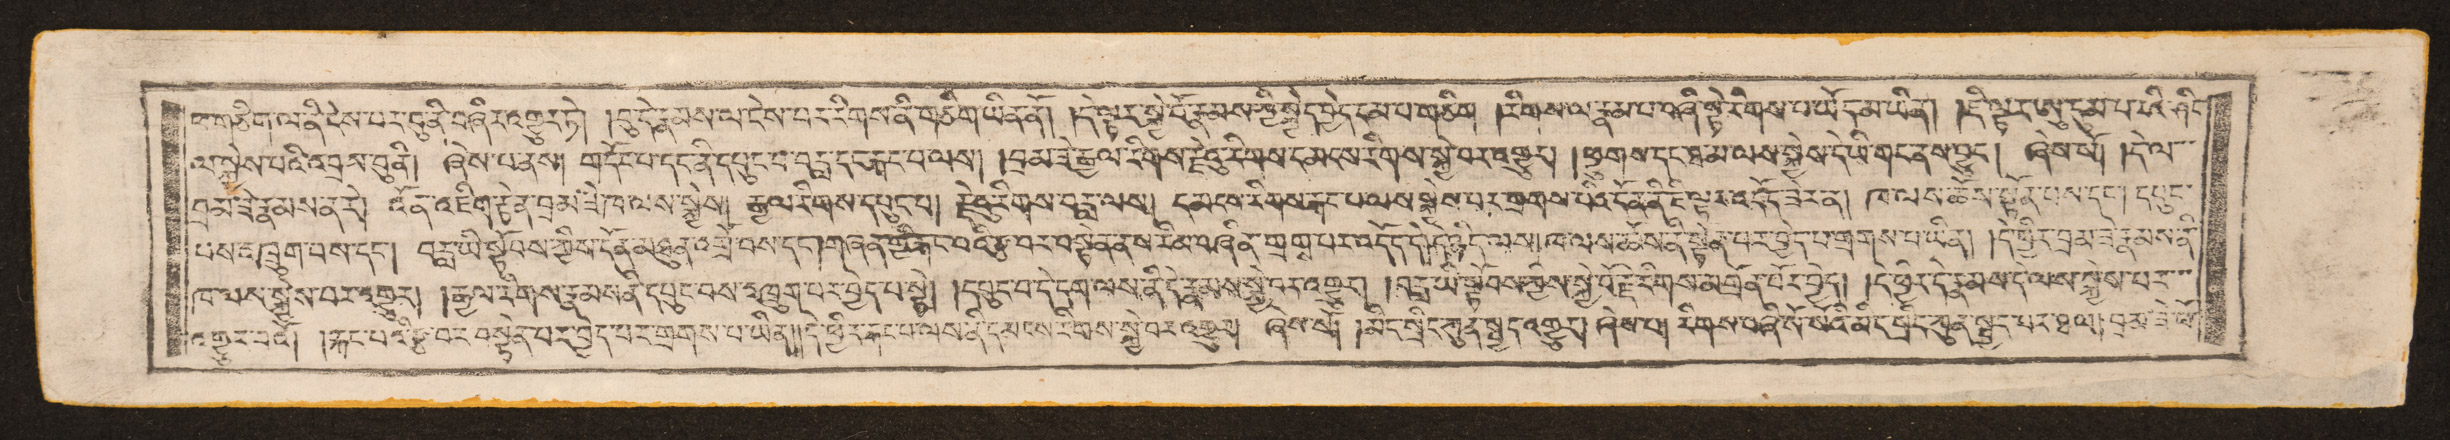ཕ་གཅིག་ལ་ནི་ངེས་པར་བུ་ནི་བཞིར་འགྱུར་ཏེ། །བུ་དེ་རྣམས་ལ་ངེས་པར་རིགས་ནི་གཅིག་ཡིན་ནོ། །དེ་ལྟར་སྐྱེ་བོ་རྣམས་ཀྱི་སྐྱེད་བྱེད་དམ་པ་གཅིག །རིགས་ལ་རྣམ་པ་བཞི་སྟེ་རིགས་པ་ཡོད་མ་ཡིན། །ཇི་ལྟར་ཨུ་དུམ་པ་རའི་ཤིང་
ལ་སྐྱེས་པའི་འབྲས་བུ་ནི། ཞེས་པ་ནས། གདོང་བ་དང་ནི་དབུང་བ་བརླ་དང་རྐང་བ་ལས། །བྲམ་ཟེ་རྒྱལ་རིགས་རྗེའུ་རིགས་དམངས་རིགས་སྐྱེ་བར་འགྱུར། །ཕྱུགས་དང་ཐ་མ་ལས་སྐྱེས་དེ་ཡི་གང་ནས་བྱུང་། ཞེས་སོ༑ །དེ་ལ་
བྲམ་ཟེ་རྣམས་ན་རེ། འོ་ན་འཇིག་རྟེན་བྲམ་ཟེ་ཁ་ལས་སྐྱེས། རྒྱལ་རིགས་དབུང་བ། རྗེའུ་རིགས་བརླ་ལས། དམངས་རིགས་རྐང་བ་ལས་སྐྱེས་པར་གྲགས་པའི་དོན་ནི་ཇི་ལྟར་འདོད་ཟེར་ན། ཁ་ལས་ཆོས་སྟོན་པས་དང་། དབུང་
བས་འཁྲུག་བས་དང་། བརླ་ཡི་སྟོབས་ཀྱིས་དོན་མཐུན་འགྲོ་བས་དང་། གཞན་གྱི་རྐང་བའི་རྩ་བར་བསྟེན་ནས་རིམ་བཞིན་གྲགས་པར་འདོད་དེ། དེ་ཉིད་ལས། ཁ་ལས་ཆོས་ནི་སྟོན་པར་བྱེད་པ་གྲགས་པ་ཡིན། །དེ་ཕྱིར་བྲམ་ཟེ་རྣམས་ནི་
ཁ་ལས་སྐྱེས་པར་འགྱུར། །རྒྱལ་རིགས་རྣམས་ནི་དཔུང་བས་འཁྲུག་པར་བྱེད་པ་སྟེ། །དབུང་བ་དེ་དག་ལས་ནི་དེ་རྣམས་སྐྱེ་བར་འགྱུར། །བརླ་ཡི་སྟོབས་ཀྱིས་སྐྱེ་བོ་རྗེ་རིགས་མགྲོན་པོར་བྱེད། །དེ་ཕྱིར་དེ་རྣམས་དེ་ལས་སྐྱེས་པར་
འགྱུར་བའོ། །རྐང་པའི་རྩི་བར་བསྟེན་པར་བྱེད་པར་གྲགས་པ་ཡིན། །དེ་ཕྱིར་རྐང་པ་ལས་ནི་དམངས་རིགས་སྐྱེ་བར་འགྱུར། ཞེས་སོ། །མིང་སྲིད་ཀུན་སྤྱད་འགྱུར། ཞེས་པ། རིགས་བཞི་སོ་སོའི་མིང་སྲིད་ཀུན་སྤྱད་པར་ཐལ། བྲམ་ཟེ་པོ་